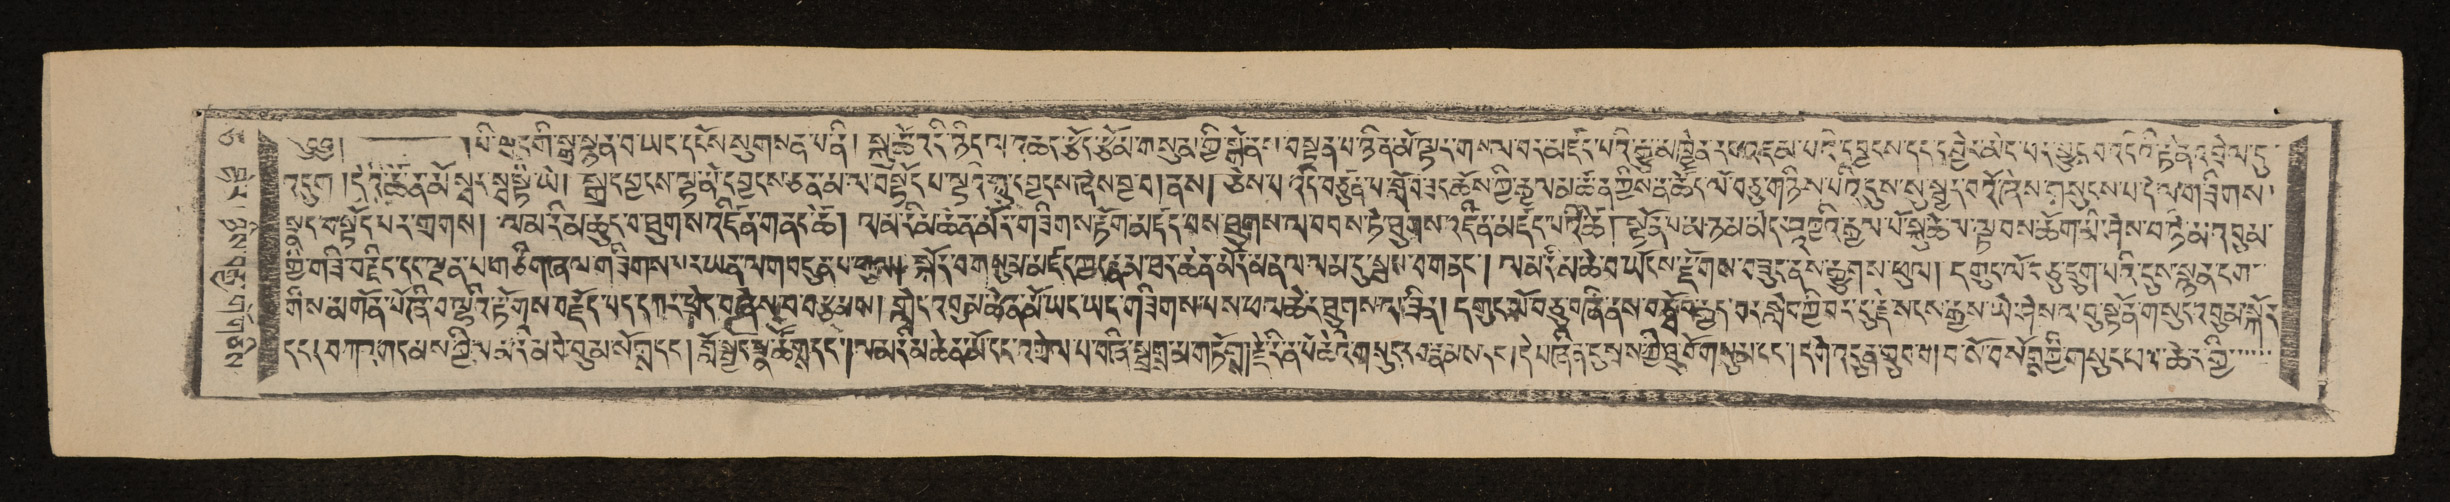༄༅། །པི་ཝང་གི་སྒྲ་སྙན་པ་ཡང་དངོས་སུ་གསན་པ་ནི། སྐུ་ཚེ་འདི་ཉིད་ལ་འཆད་རྩོད་རྩོམ་གསུམ་གྱི་སྒོ་ནས་བསྟན་པ་ཉིན་མོ་ལྟར་གསལ་བར་མཛད་པའི་རྒྱུ་མཁྱེན་རབ་འཇམ་པའི་དབྱངས་དང་དབྱེར་མེད་པར་བྱུང་བ་འདིའི་རྟེན་འབྲེལ་དུ་
འདུག །དེའི་ཚེ་ན་མོ་སྭ་ར་སྭ་སྟི་ཡེ། སྒྲ་དབྱངས་ལྷ་མོ་དབྱངས་ཅན་མ་ལ་བསྟོད་པ་ལྷའི་གླུ་དབྱངས་ཞེས་བྱ་བ། ནས། ཅེས་པ་འདི་བཙུན་པ་བློ་བཟང་ཆོས་ཀྱི་རྒྱལ་མཚན་གྱིས་ན་ཚོད་ལོ་བཅུ་གཉིས་པའི་དུས་སུ་སྦྱར་བའོ་ཞེས་གསུངས་པ་དེ་ལ་གཟིགས་
སྣང་བསྟོད་པར་གྲགས། ལམ་རིམ་ཆུང་བ་ཐུགས་འཛིན་གནང་ཚེ། ལམ་རིམ་ཆེན་མོར་གཟིགས་རྟོག་མཛད་པས་ཐུགས་ལ་བབས་ཏེ་ཐུགས་འཛིན་མཛད་པའི་ཚེ། སྟོན་པ་མཉམ་མེད་ཤཱཀྱའི་རྒྱལ་པོ་སྐུ་ཆེ་ལ་ལྟ་བས་ཆོག་མི་ཤེས་པ་ཉི་མ་འབུམ་
གྱི་གཟི་བརྗིད་དང་ལྡན་པ་གཅིག་ཞལ་གཟིགས་པར་ཡན་ལག་བདུན་པ་ཕུལ། སྐོར་བ་གསུམ་མཛད་ཀྱང་རྣམ་ཐར་ཆེན་མོར་མནལ་ལམ་དུ་སྦས་པ་གནད། ལམ་རིམ་ཆེ་བ་ཡོངས་རྫོགས་བཟུང་ནས་རྒྱུགས་ཕུལ། དགུང་ལོ་བཅུ་དྲུག་པའི་དུས་སྙན་ངག་
གིས་མགོན་པོ་ཞི་བ་ལྷའི་རྟོགས་བརྗོད་པད་དཀར་ཕྲེང་བ་ཞེས་པ་བརྩམས་གླེང་འབུམ་ཆེན་མོ་ཡང་ཡང་གཟིགས་པས་ཕལ་ཆེར་ཐུགས་ལ་ཟིན། དགུང་ལོ་བཅུ་བཞི་ནས་བཅྭོ་བརྒྱད་པར་སླེབ་ཀྱི་བར་དུ་རྗེ་སངས་རྒྱས་ཡེ་ཤེས་ལ་བུ་སྟོན་གསུང་འབུམ་སྐོར་
དང༑ བཀའ་གདམས་ཀྱི་ལམ་རིམ་བེ་བུམ་སོགས་དང་། བློ་སྦྱོང་སྣ་ཚོགས་དང་། ལམ་རིམ་ཆེན་མོ་དང་འགྲེལ་པ་བཞི་སྦྲགས་མ་གཏོགས། རྗེ་རིན་པོ་ཆེའི་གསུང་རབ་རྣམས་དང་། དེ་བཞིན་དུ་སྲས་ཀྱི་ཐུ་བོ་གསུམ་དང་། དགེ་འདུན་གྲུབ་པ། པ་སོ་བ་སོགས་ཀྱི་གསུང་ཕལ་ཆེར་གྱི་